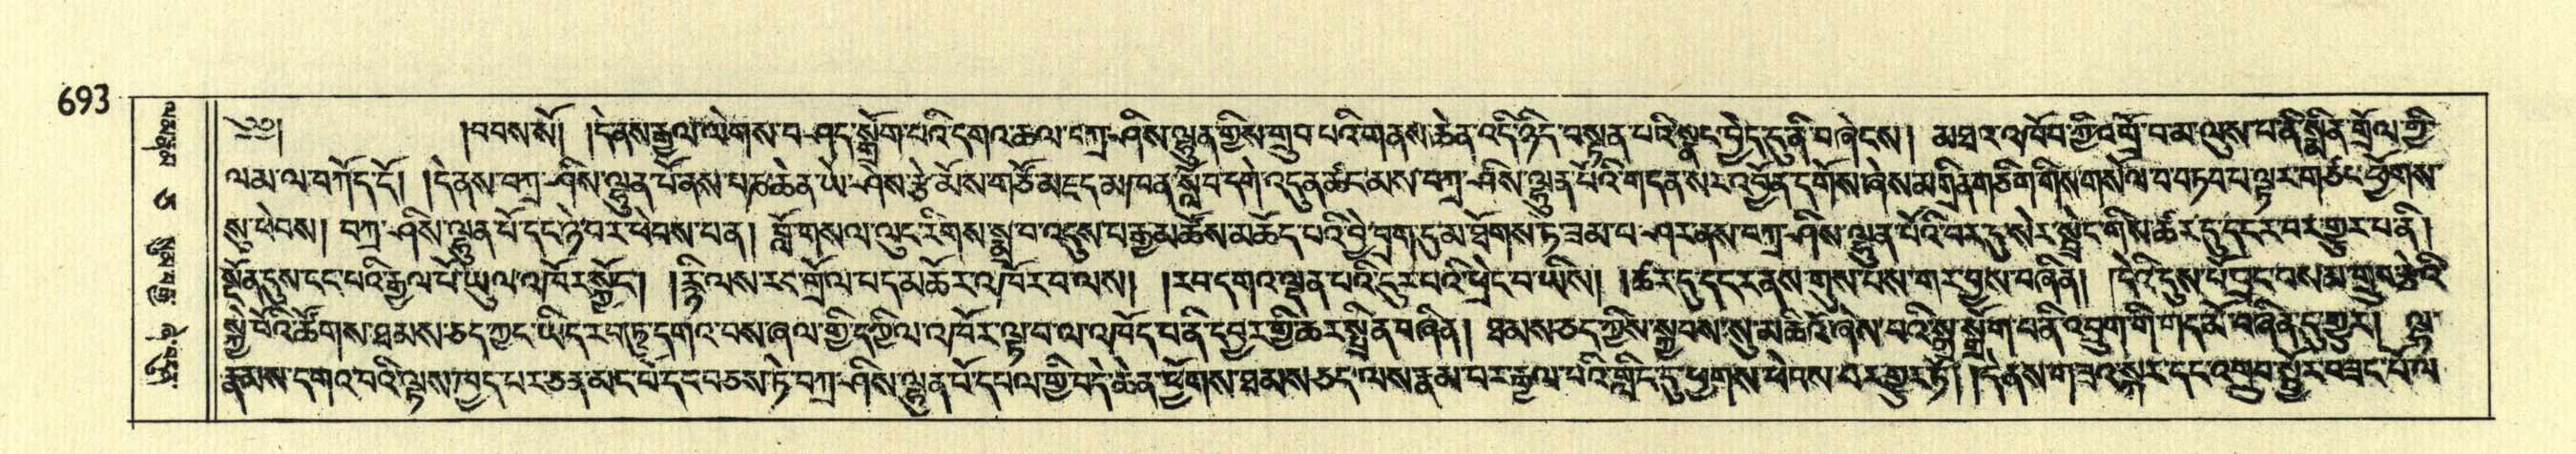༄༅། །བབས་སོ། །དེ་ནས་རྒྱལ་ལེགས་བཤད་སྒྲོག་པའི་དགའ་ཆལ་བཀྲ་ཤིས་ལྷུན་གྱིས་གྲུབ་པའི་གནས་ཆེན་འདི་ཉིད་བསྟན་པའི་སྣང་བྱེད་དུ་ནི་བཞེངས། མཐའ་འཁོབ་ཀྱི་འགྲོ་བ་མ་ལུས་པ་ནི་སྨིན་གྲོལ་གྱི་
ལམ་ལ་བཀོད་དོ། །དེ་ནས་བཀྲ་ཤིས་ལྷུན་པོ་ནས་པཎ་ཆེན་ཡེ་ཤེས་རྩེ་མོས་གཙོ་མཇད་མཁན་སློབ་དགེ་འདུན་ཚང་མས་བཀྲ་ཤིས་ལྷུན་པོའི་གདན་སར་འབྱོན་དགོས་ཞེས་མགྲིན་གཅིག་གིས་གསོལ་བ་བཏབ་པ་ལྟར་གཙང་ཕྱོགས་
སུ་ཕེབས། བཀྲ་ཤིས་ལྷུན་པོ་དང་ཉེ་བར་ཕེབས་པ་ན། བློ་གསལ་ལུང་རིགས་སྨྲ་བ་འདུས་པ་རྒྱ་མཚོས་མཆོད་པའི་བྱེ་བྲག་དུ་མ་ཐོགས་ཏེ་ཟམ་པ་ཤར་ནས་བཀྲ་ཤིས་ལྷུན་པོའི་བར་དུ་སེར་སྦྲེང་གིས་ཚར་དུ་དངར་བར་གྱུར་པ་ནི།
སྔོན་དུས་ངང་པའི་རྒྱལ་པོ་ཡུལ་འཁོར་སྐྱོང་། །རྙི་ལས་རང་གྲོལ་པད་མཆོར་འཁོར་བ་ལས། །རབ་དགའ་ལྡན་པའི་དུར་བའི་ཕྲེང་བ་ཡིས། །ཚར་དུ་དངར་ནས་གུས་པས་གར་བྱས་བཞིན། །དེའི་དུས་པོ་བྲང་བསམ་གྲུབ་རྩེའི་
སྐྱེ་བོའི་ཚོགས་ཐམས་ཅད་ཀྱང་ཡིད་རབ་ཏུ་དགའ་བས་ཞལ་གྱི་དཀྱིལ་འཁོར་ལྟ་བ་ལ་འཁོད་པ་ནི་དབྱར་གྱི་ཆར་སྤྲིན་བཞིན། ཐམས་ཅད་ཀྱིས་སྐྱབས་སུ་མཆིའོ་ཞེས་པའི་སྒྲ་སྒྲོག་པ་ནི་འབྲུག་གི་གད་མོ་བཞིན་དུ་གྱུར། ལྷ་
རྣམས་དགའ་བའི་ལྟས་ཁྱད་པར་ཅན་མང་པོ་དང་བཅས་ཏེ་བཀྲ་ཤིས་ལྷུན་པོ་དཔལ་གྱི་བདེ་ཆེན་ཕྱོགས་ཐམས་ཅད་ལས་རྣམ་པར་རྒྱལ་བའི་གླིང་དུ་ཕྱགས་ཕེབས་པར་གྱུར་ཏོ། །དེ་ནས་གཟའ་སྐར་དང་འགྲུབ་སྦྱོར་བཟང་པོ་ལ་